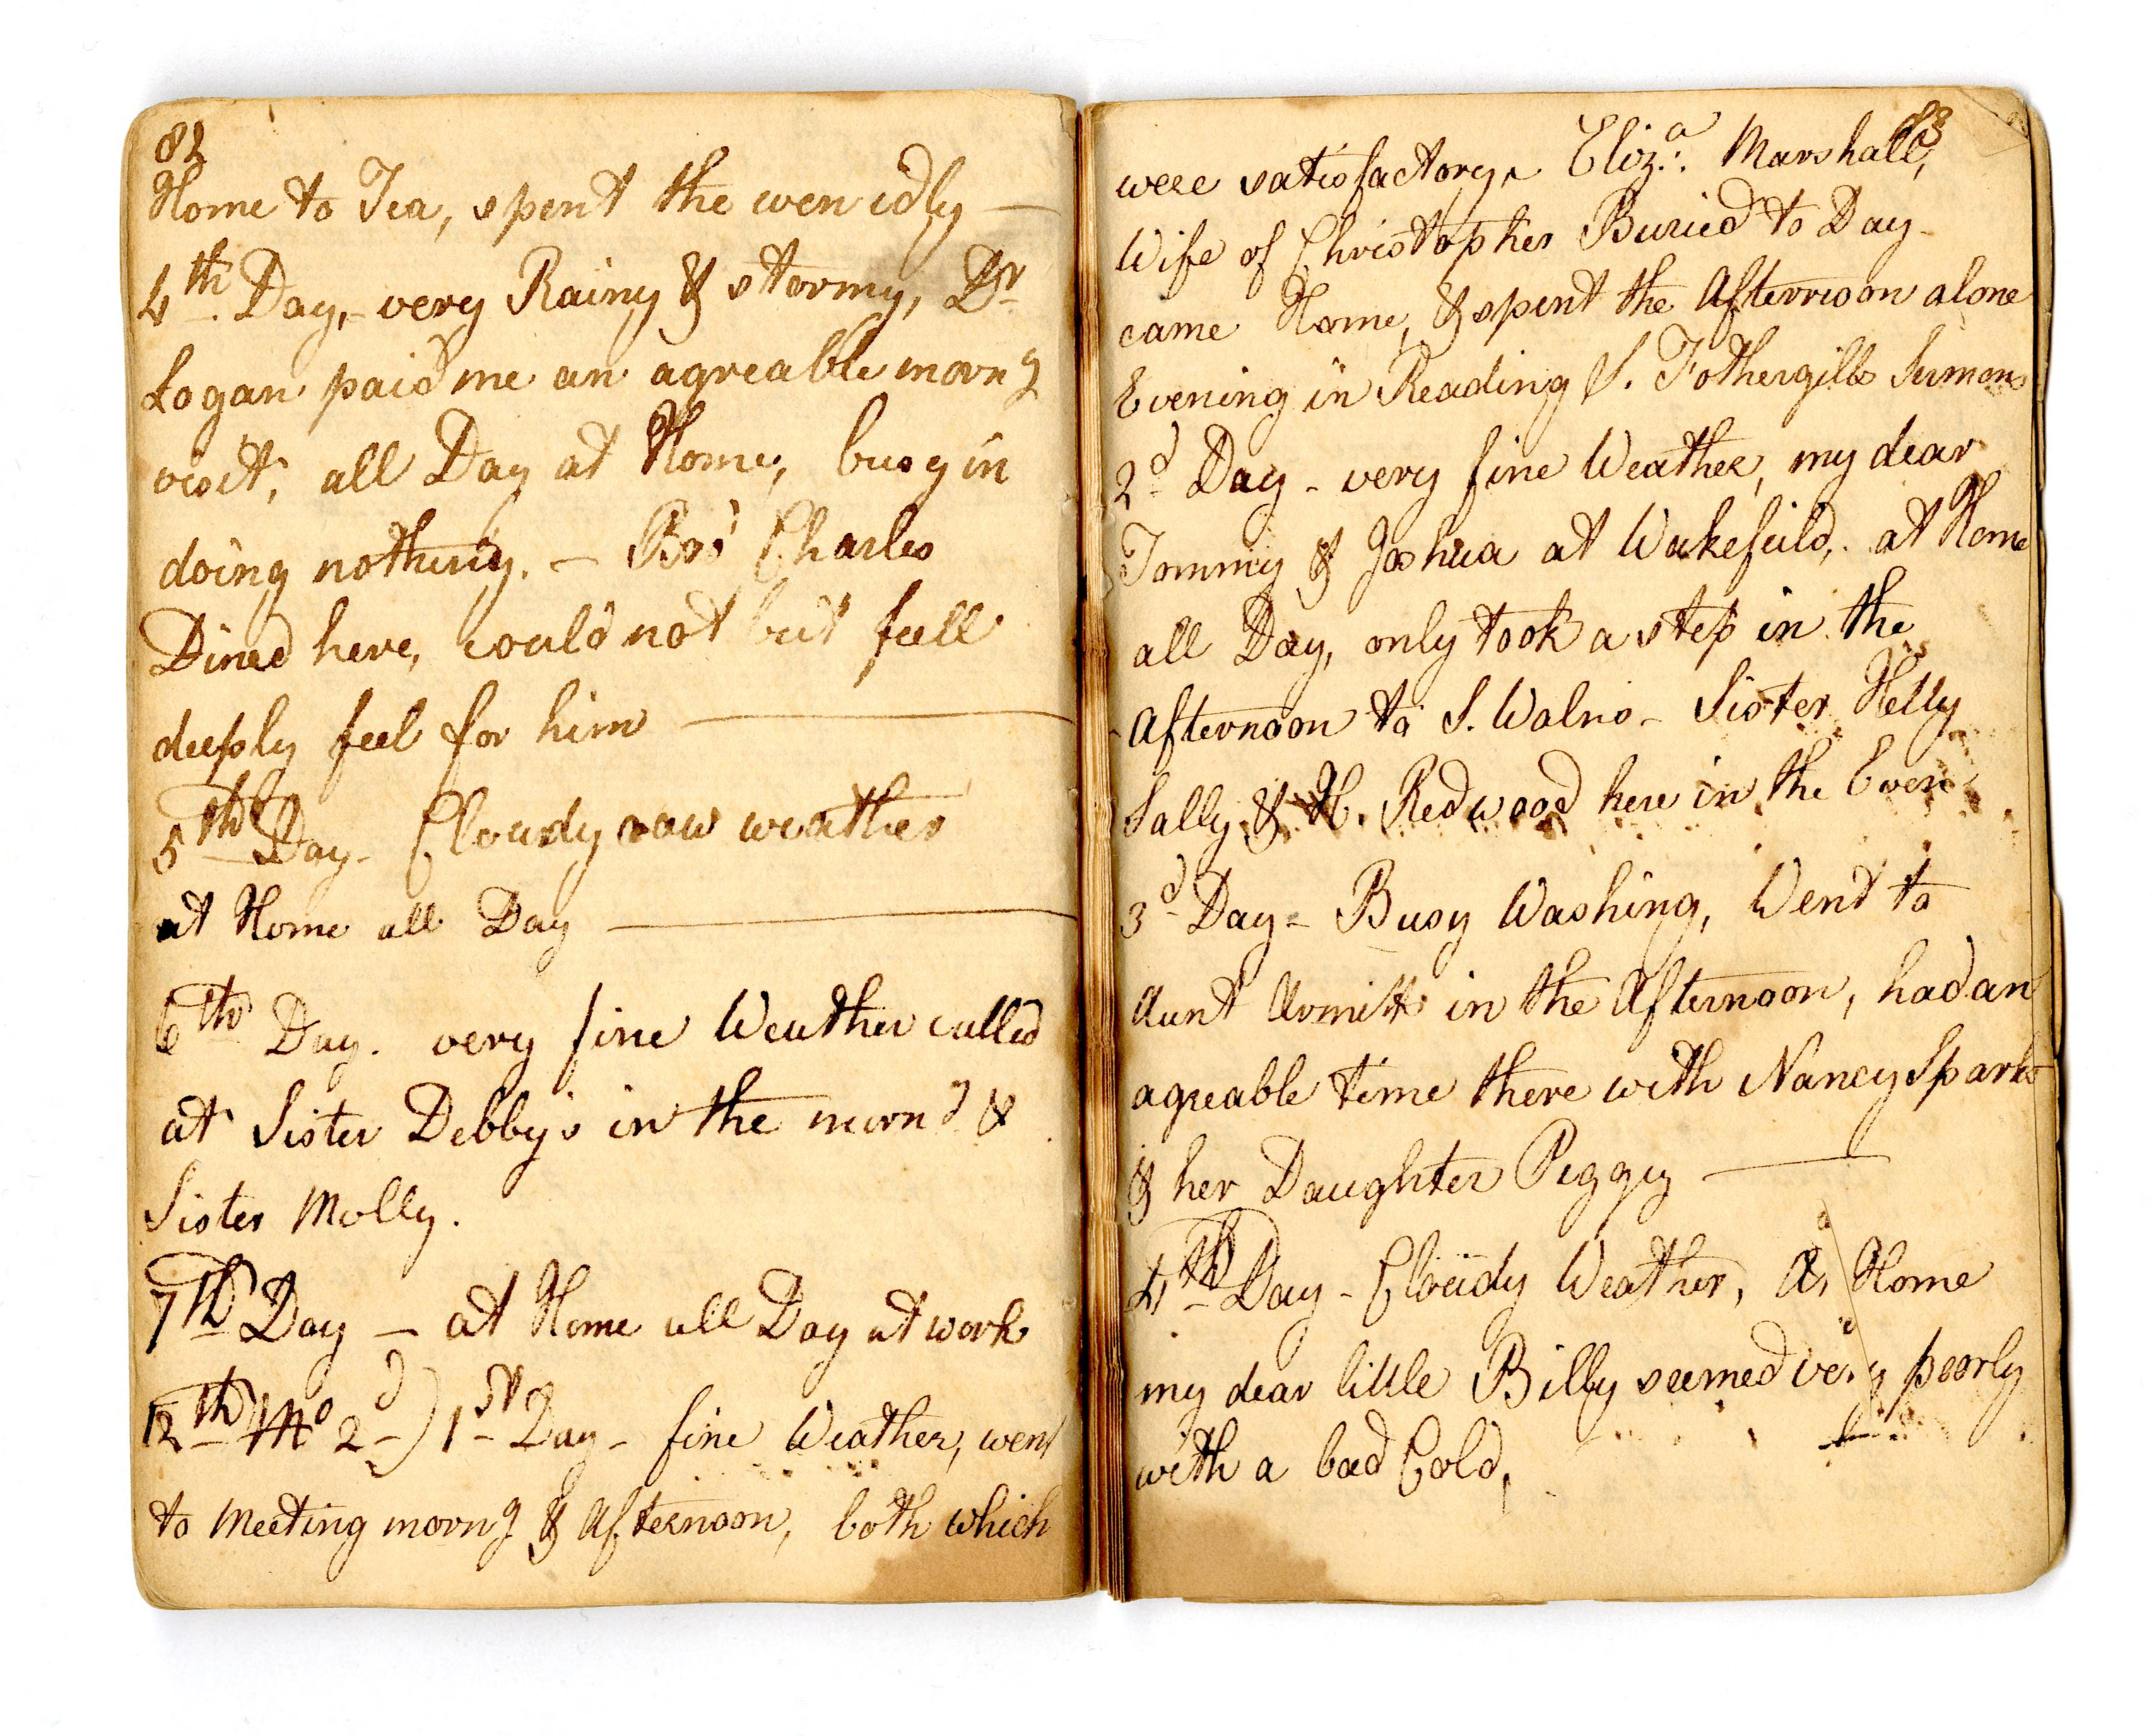Home to Tea, spent the even idly-
4^th Day, very Rainy & stormy, D^r
Logan paid me an agreable morn^g
visit, all Day at Home, busy in
doing nothing,- Bro' Charles
Dined here, could not but feell
deeply feel for him
5^th Day- Cloudy raw weather
at Home all Day
6^th Day. very fine Weather called
at Sister Debby's in the morn^g &
Sister Molly.
7^th Day- at Home all Day at work
12^th M^o 2^d) 1^st Day- fine Weather, went
to Meeting morn^g & Afternoon, both which
were satisfactory a Eliz^a: Marshall
Wife of Christopher Buried to Day-
came Home, & spent the Afternoon on alone
Evening in Reading S. Fothergills Sermons
2^d Day- very fine Weather, my dear
Tommy & Joshua at Wakefeild, at Home
all Day, only took a step in the
Afternoon to S. Walns- Sister Hetty
Sally & H. Redwood here in the Even
3^d Day- Busy Washing, Went to
Aunt Armitts in the Afternoon, had an
agreable time there with Nancy Sparks
& her Daughter Peggy
4^th Day- Cloudy Weather, A Home
my dear little Billy seemed very poorly
with a bad Cold